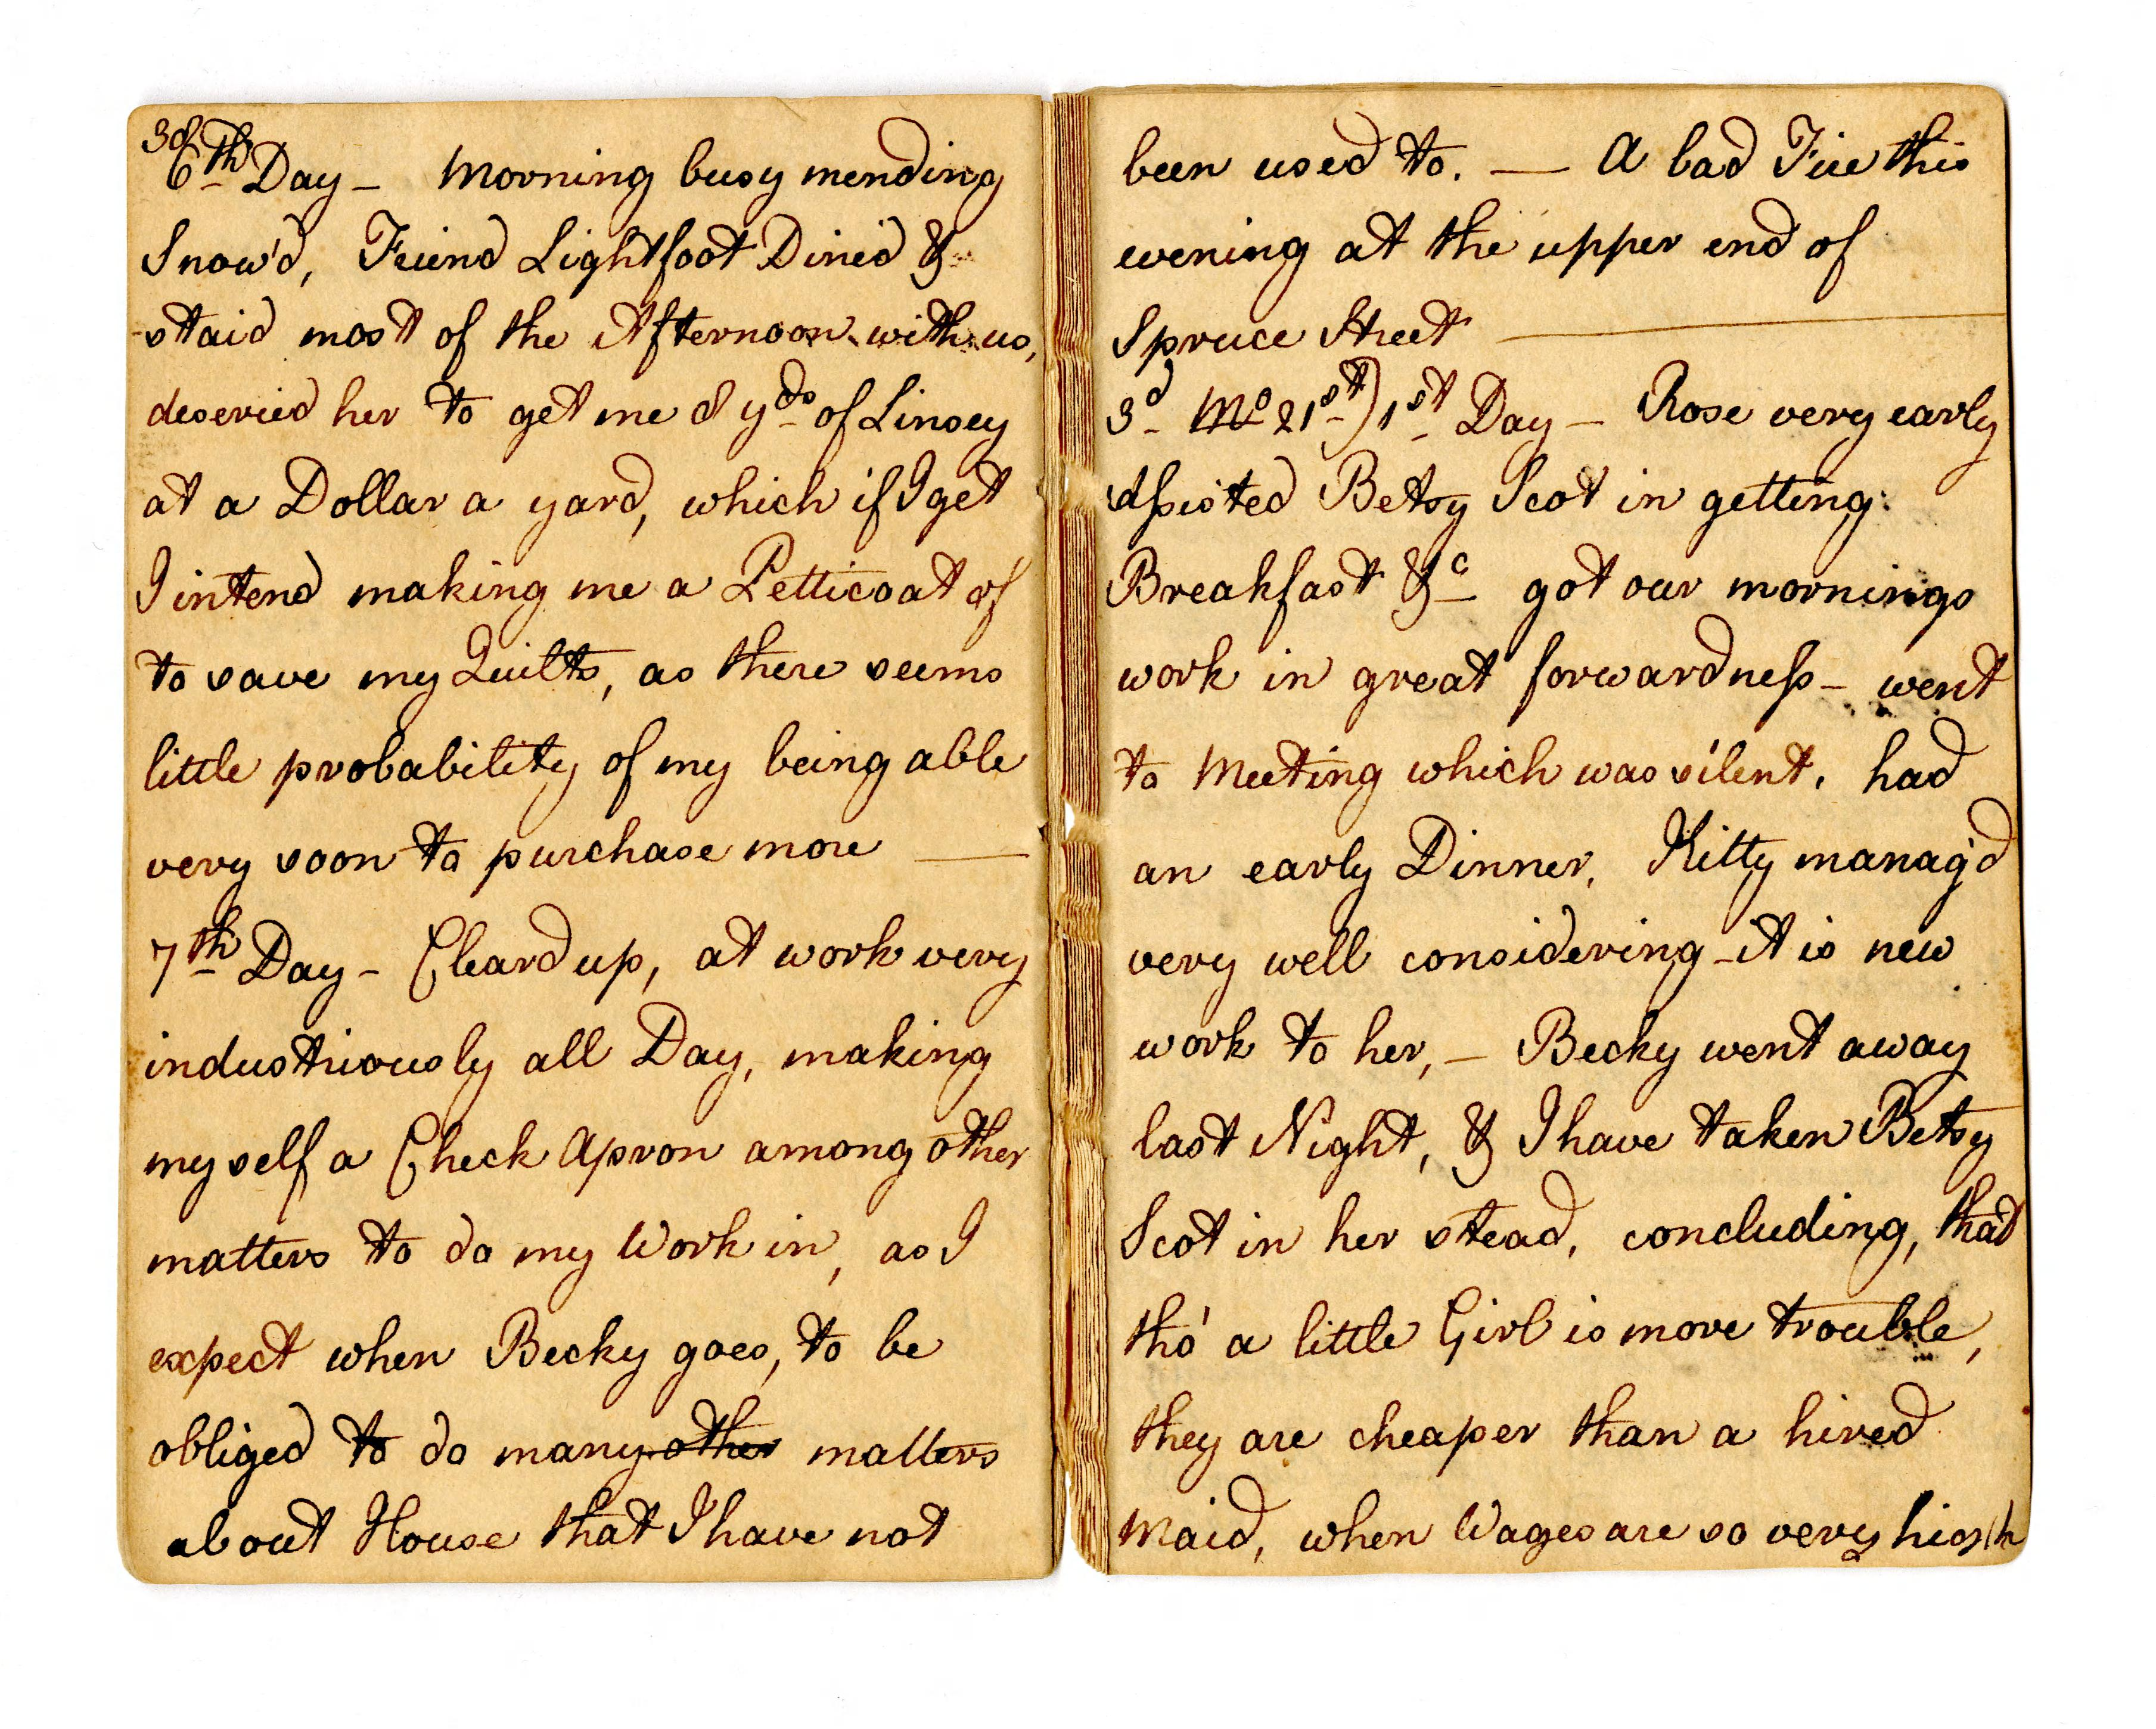38
6^th Day- Morning busy mending
Snow'd, Friend Lightfoot Dined &
staid most of the Afternoon with us
deseried her to get me 8 y^ds of Linsey
at a Dollar a yard, which if I get
I intend making me a Petticoat of
to save my Quilts, as there seems
little probability of my being able
very soon to purchase more-
7^th Day- Cleard up, at work very
industriously all Day, making
myself a Check Apron among other
matters to do my Work in, as I
expect when Becky goes, to be
obliged to do many other matters
about House that I have not
been used to.- A bad Fire this
evening at the upper end of
Spruce Street
3^d M^o 21^st) 1^st Day- Rose very early
assisted Betsy Scot in getting.
Breakfast &^c got our mornings
work in great forwardness- went
to Meeting which was silent, had
an early Dinner, Kitty manag'd
very well considering it is new
worh to her,- Becky went away
last Night, & I have taken Betsy
Scot in her stead, concluding, that
tho' a little Girl is more trouble,
they are cheaper than a hired
Maid, when Wages are so very high